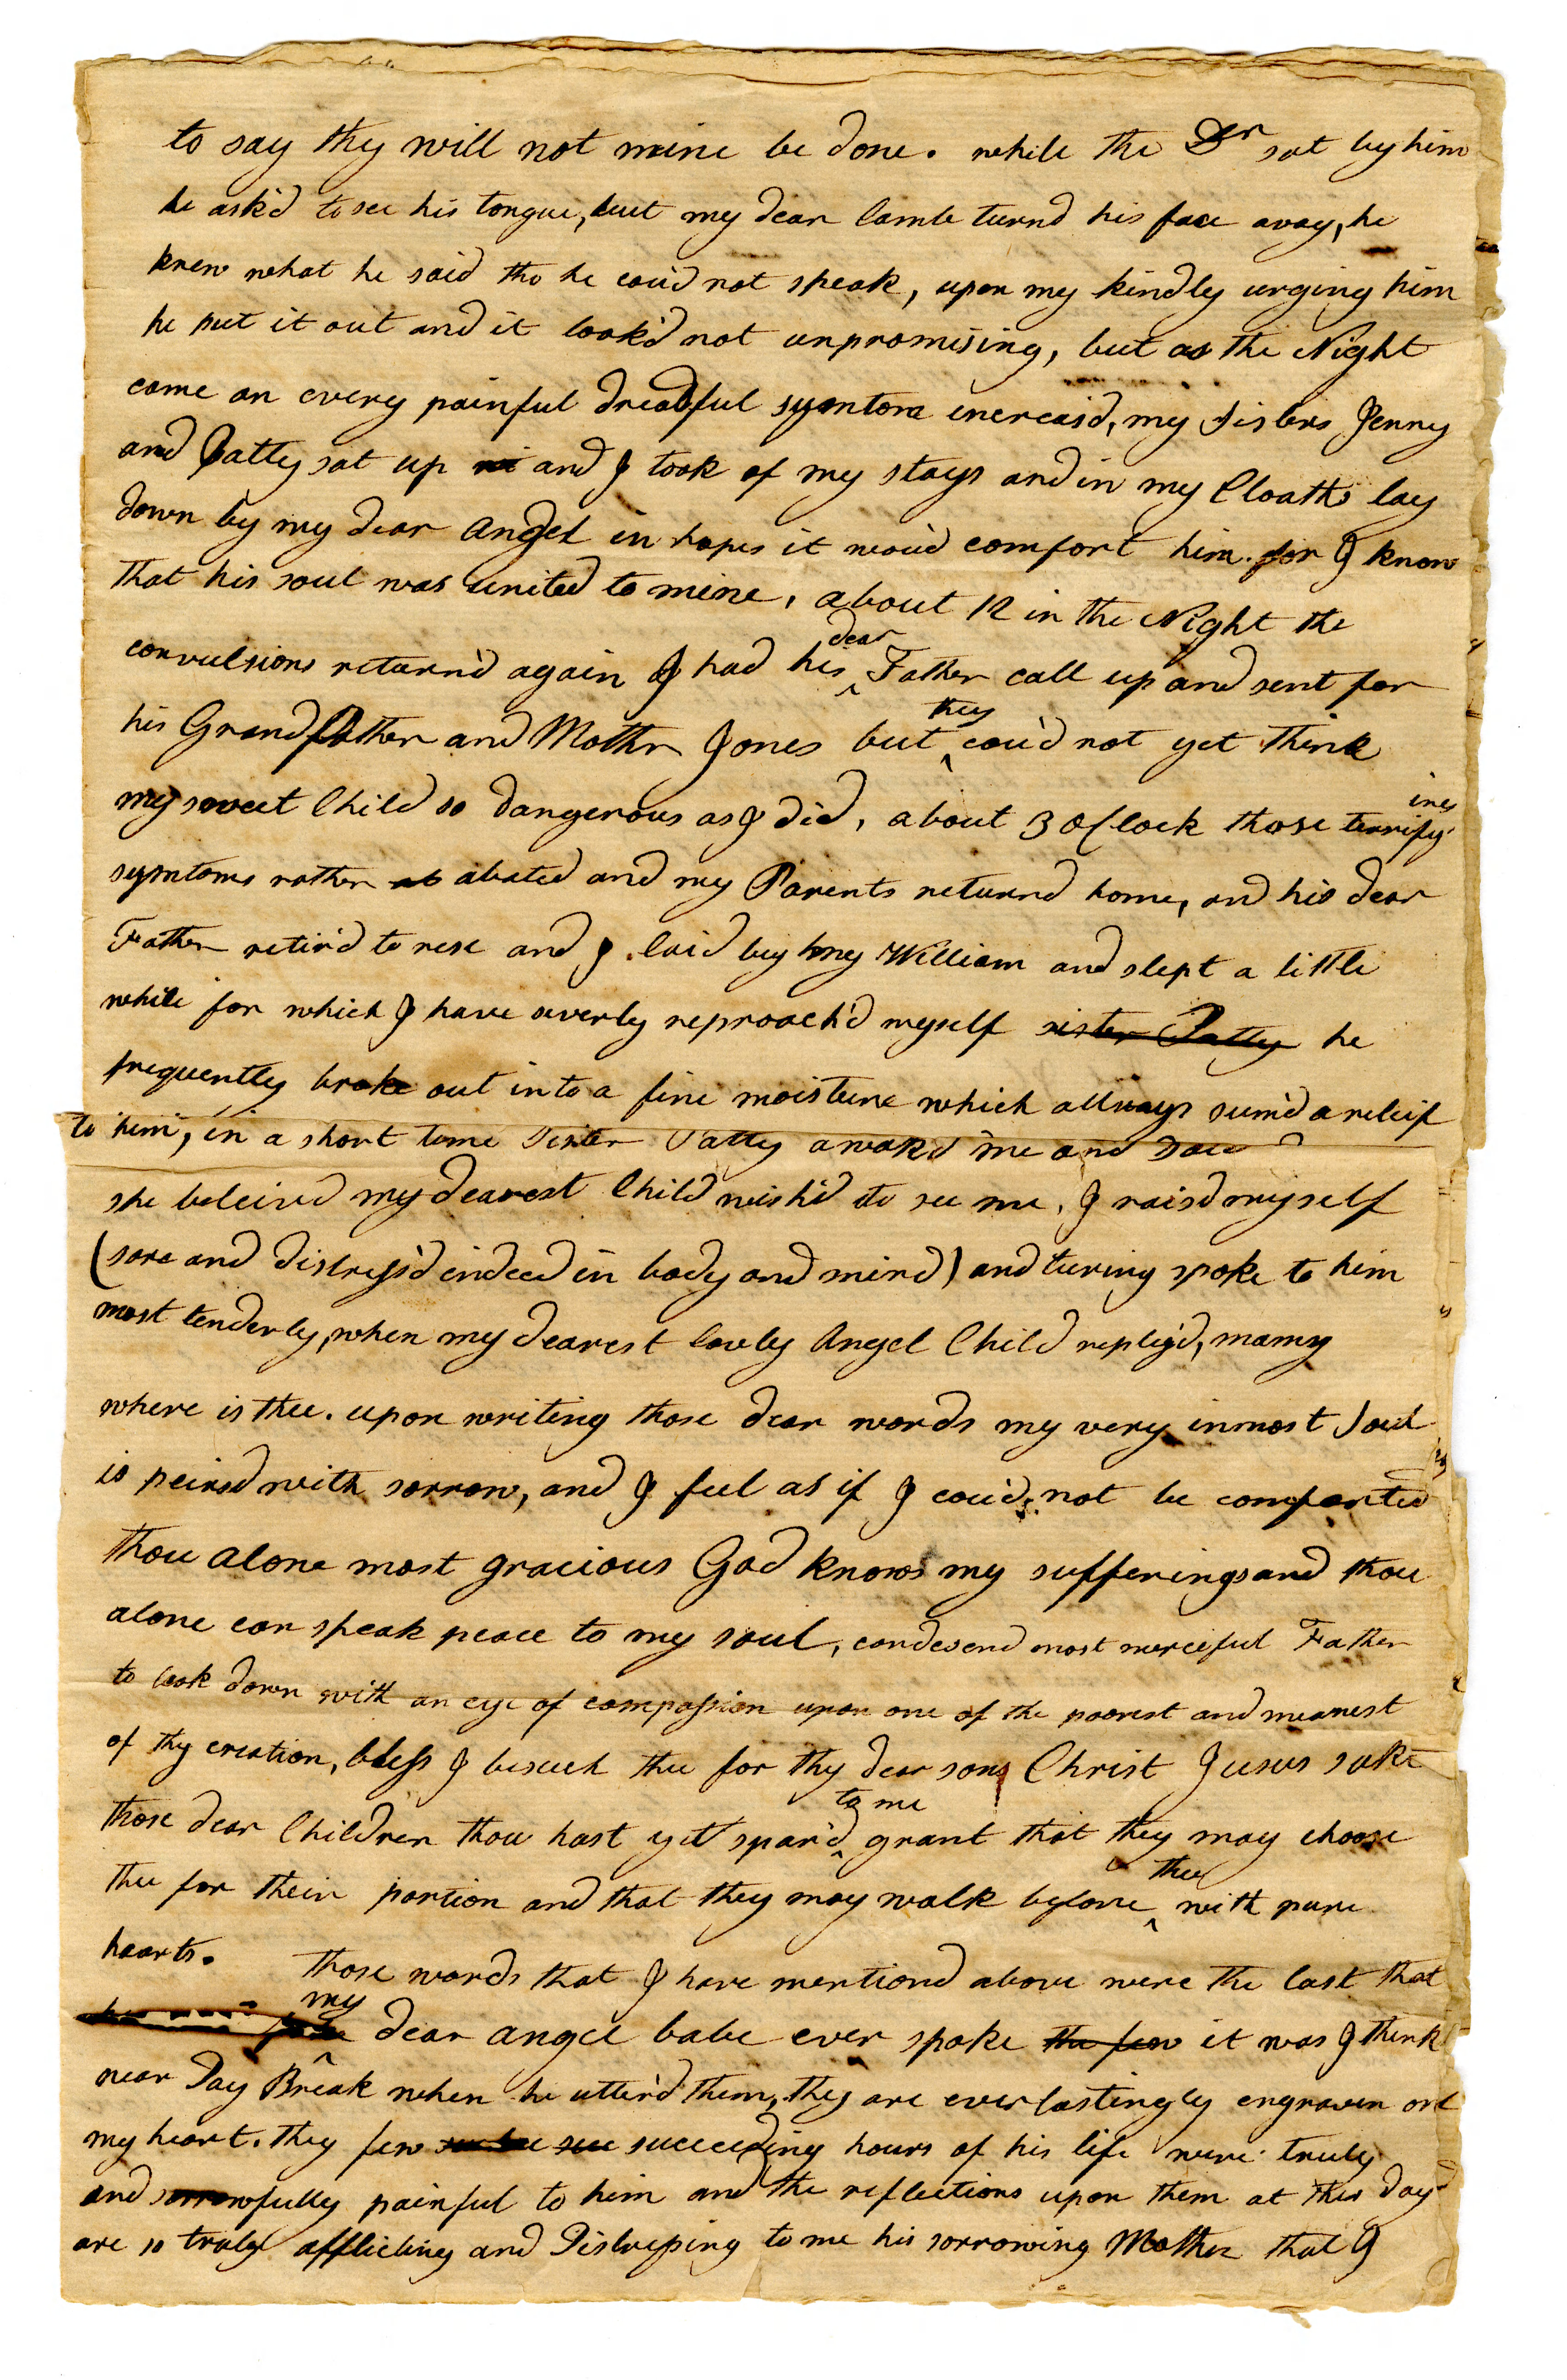to say thy will not mine be done. while the D^r sat by him
he ask'd to see his tongue, but my dear lamb turnd his face away, he
knew what he said tho he cou'd not speak, upon my kindly urging him
he put it out and it look'd not unpromising, but as the Night
came on every painful dreadful symtom increas'd, my sisters Jenny
and Patty sat up [__] and I took of my stays and in my Cloaths lay
down by my dear angel in hopes it wou'd comfort him for I know
that his soul was united to mine, about 12 in the Night the
dear
convulsions return'd again I had his ^ Father call up and sent for
they
his Grandfather and Mother Jones but ^ cou'd not yet think
ing
my sweet Child so dangerous as I did, about 3 oClock those terrify-
symtoms rather abated and my Parents returned home, and his dear
Father retir'd to rest and I laid by my William and slept a little
while for which I have severly reproach'd myself [sister Patty] he
frequently broke out into a fine moisture which allways seem'd a relief
to him, in a short time Sister Patty awakd me and said
she beleivd my dearest Child wish'd to see me. I raisd myself
(sore and distress'd indeed in body and mind) and turning spoke to him
most tenderly, when my dearest lovly Angel Child reply'd, mamy
where is thee. upon writing those dear words my very inmost Soul
is peirsd with sorrow, and I feel as if I cou'd not be comforted
thou alone most gracious God knows my sufferings and thou
alone can speak peace to my soul, condesend most merciful Father
to look down with an eye of compassion upon one of the poorest and meanest
of thy creation, bless I beseech thee for thy dear sons Christ Jesus take
to me
those dear Children thou hast yet spar'd ^ grant that they may choose
thee
thee for their portion and that they may walk before ^ with pure
hearts. Those words that I have mentiond above were the last that
my
^ dear angel babe ever spoke [the fear] it was I think
near Day Break when he utter'd them, they are everlastingly engraven on
my heart. thy few [_______] succeeding hours of his life were truly
and sorrowfully painful to him and the reflections upon them at this day
are so truly afflicting and Distressing to me his sorrowing Mother that I